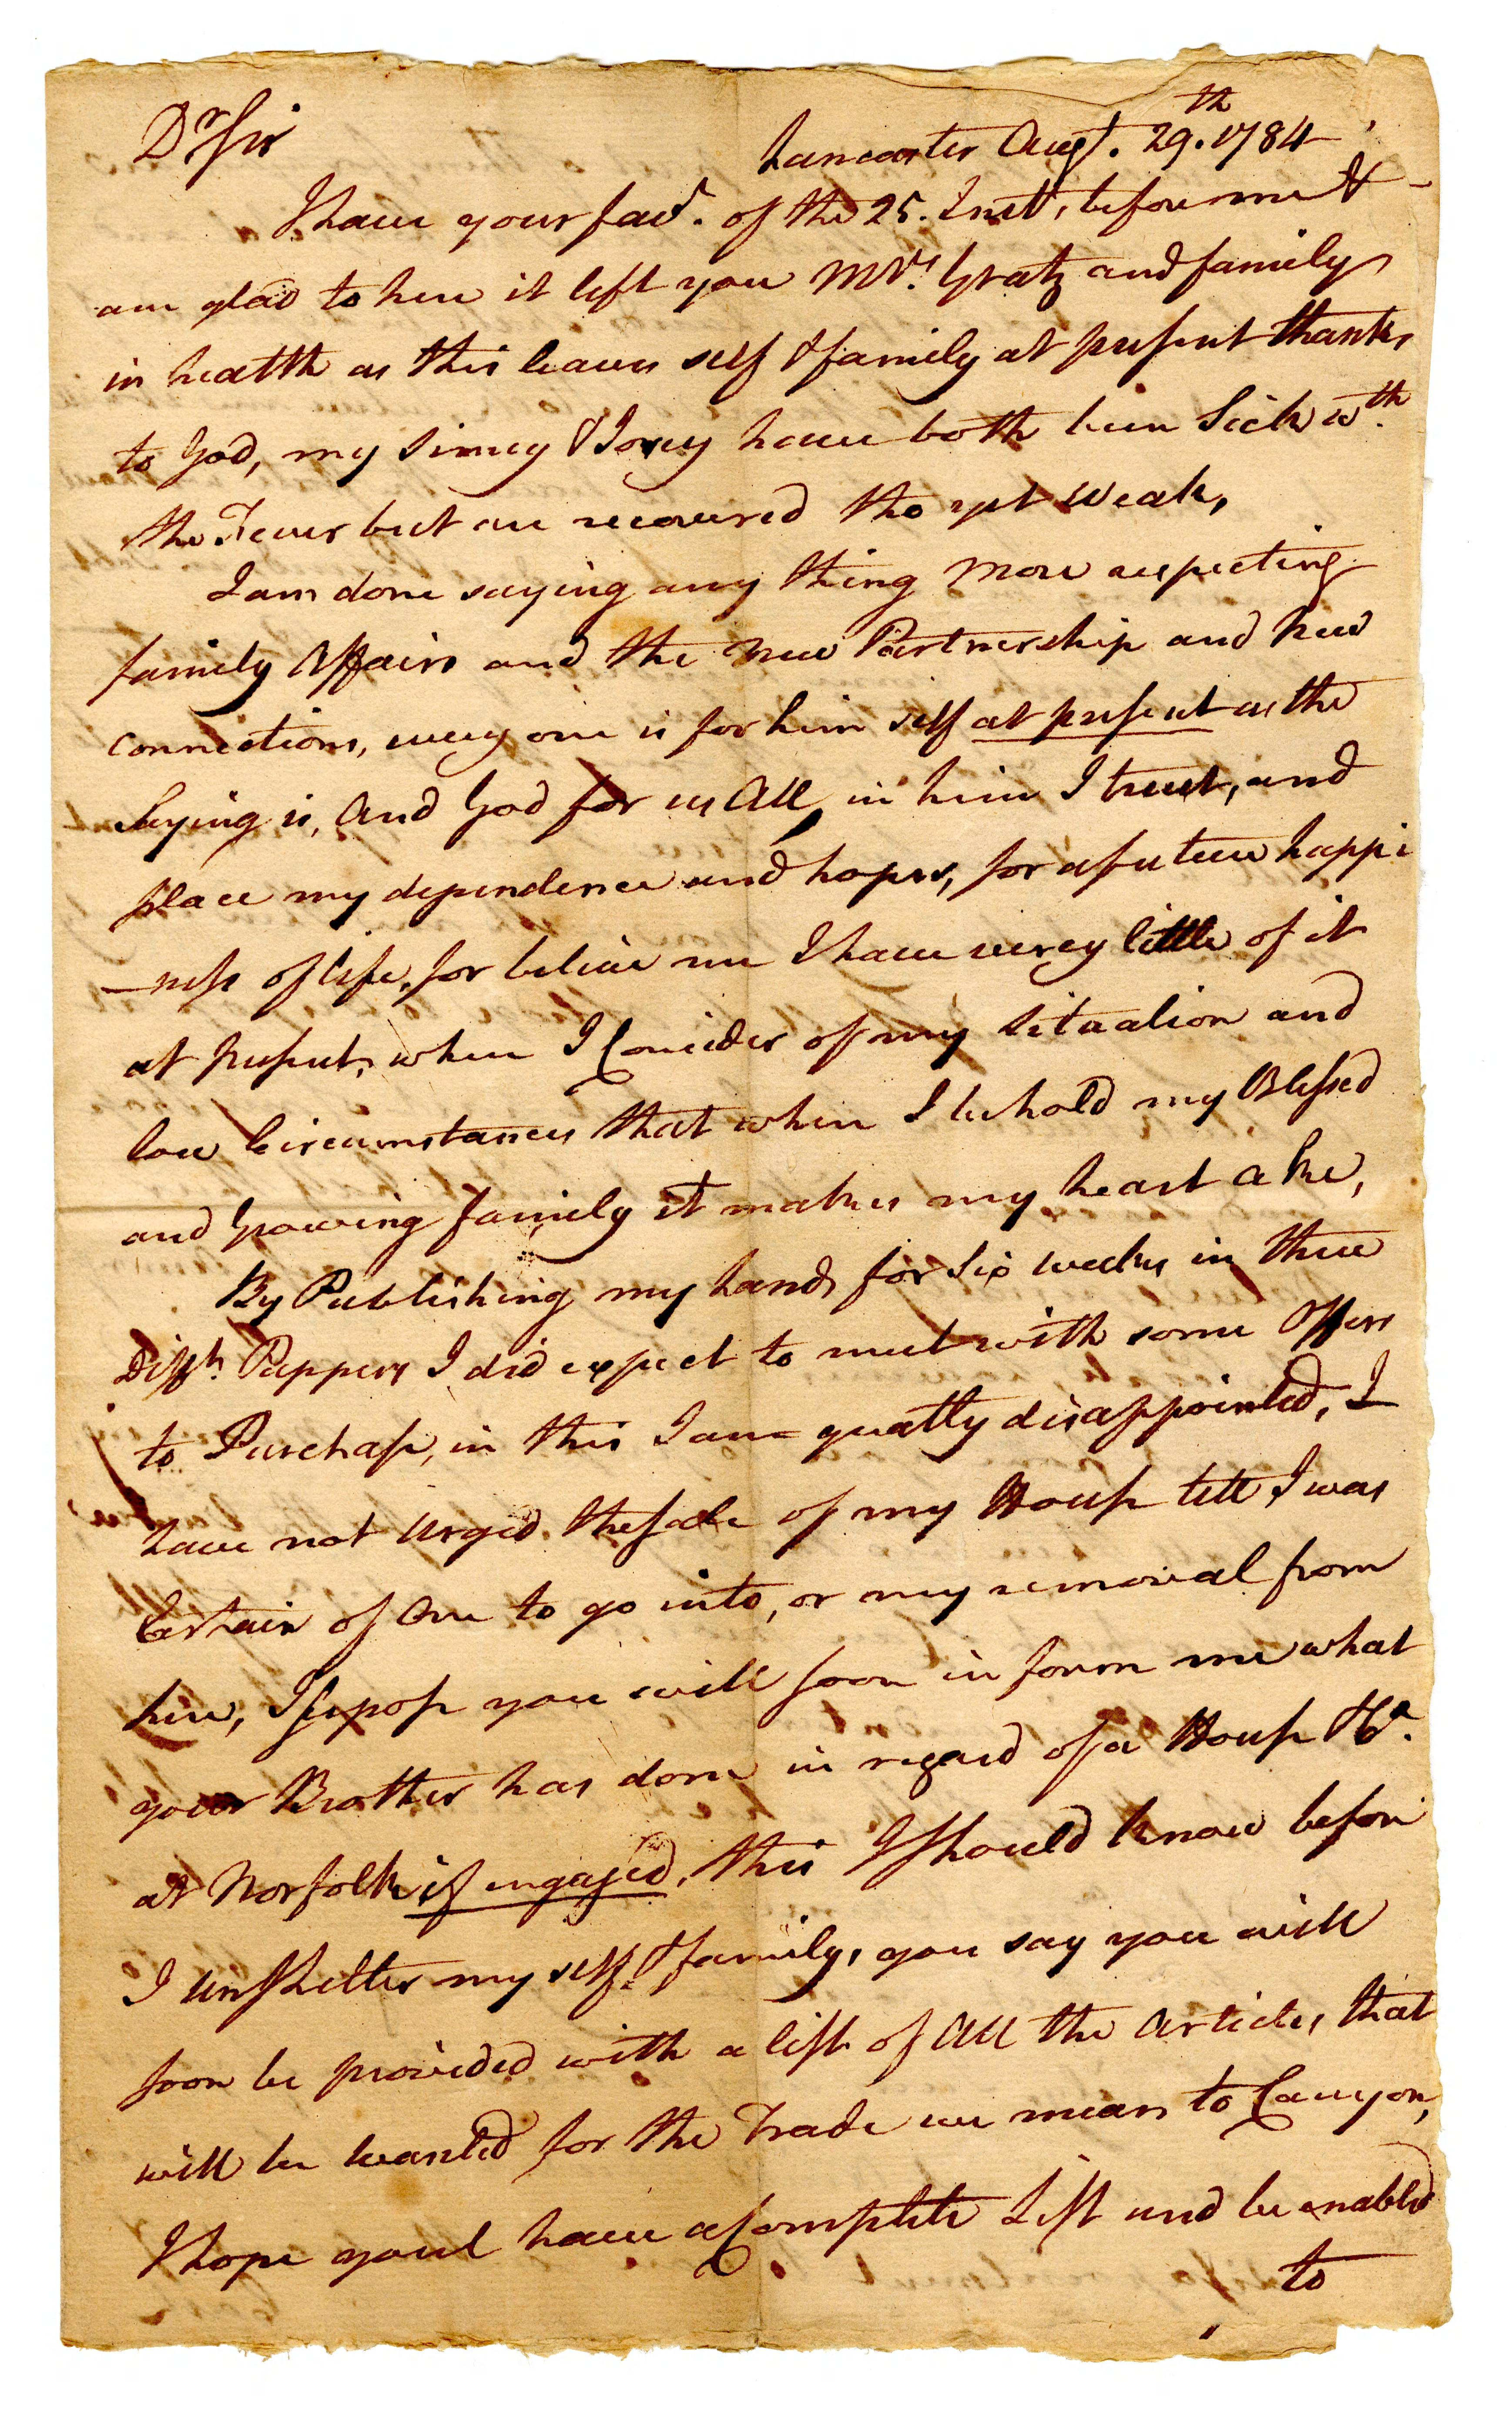Lancaster Aug^t. 29^th. 1784
D^r Sir
I have your fav^r. of the 25.Inst^t. before me &
am glad to here it left you Mr^rs. Gratz and family
in health as this leaves self & family at present thanks
to God, my Simey & Josey have both been Sick w^th.
the Fever but are recovered tho yet weak,
I am done saying any thing more respecting
family Affairs and the new Partnership and need
connections, every one is for him self at present as the
saying is, and God for us All, in him I trust, and
place my dependence and hopes, for a future happi-
-ness of life for believe me I have very little of it
at present, when I Consider of my situation and
low Circumstances that when I behold my Blessed
and Growing family it makes my heart ake,
By Publishing my hands for six weeks in three
Dif^t. Pappers I did expect to meet with some offers
to Purchase, in this I am greatly disappointed, I
have not urged, the sale of my House till I was
Certain of one to go into, or any arrival from
here, I supos you will soon inform me what
your Brother has done in regard of a House &c^a
at Norfolk if engaged this I should know before
I unshelter my self & family, you say you will
soon be provided with a list of All the Articles that
will be wanted for the Trade we mean to Carry on,
I hope youl have a complete List and be enabled
to